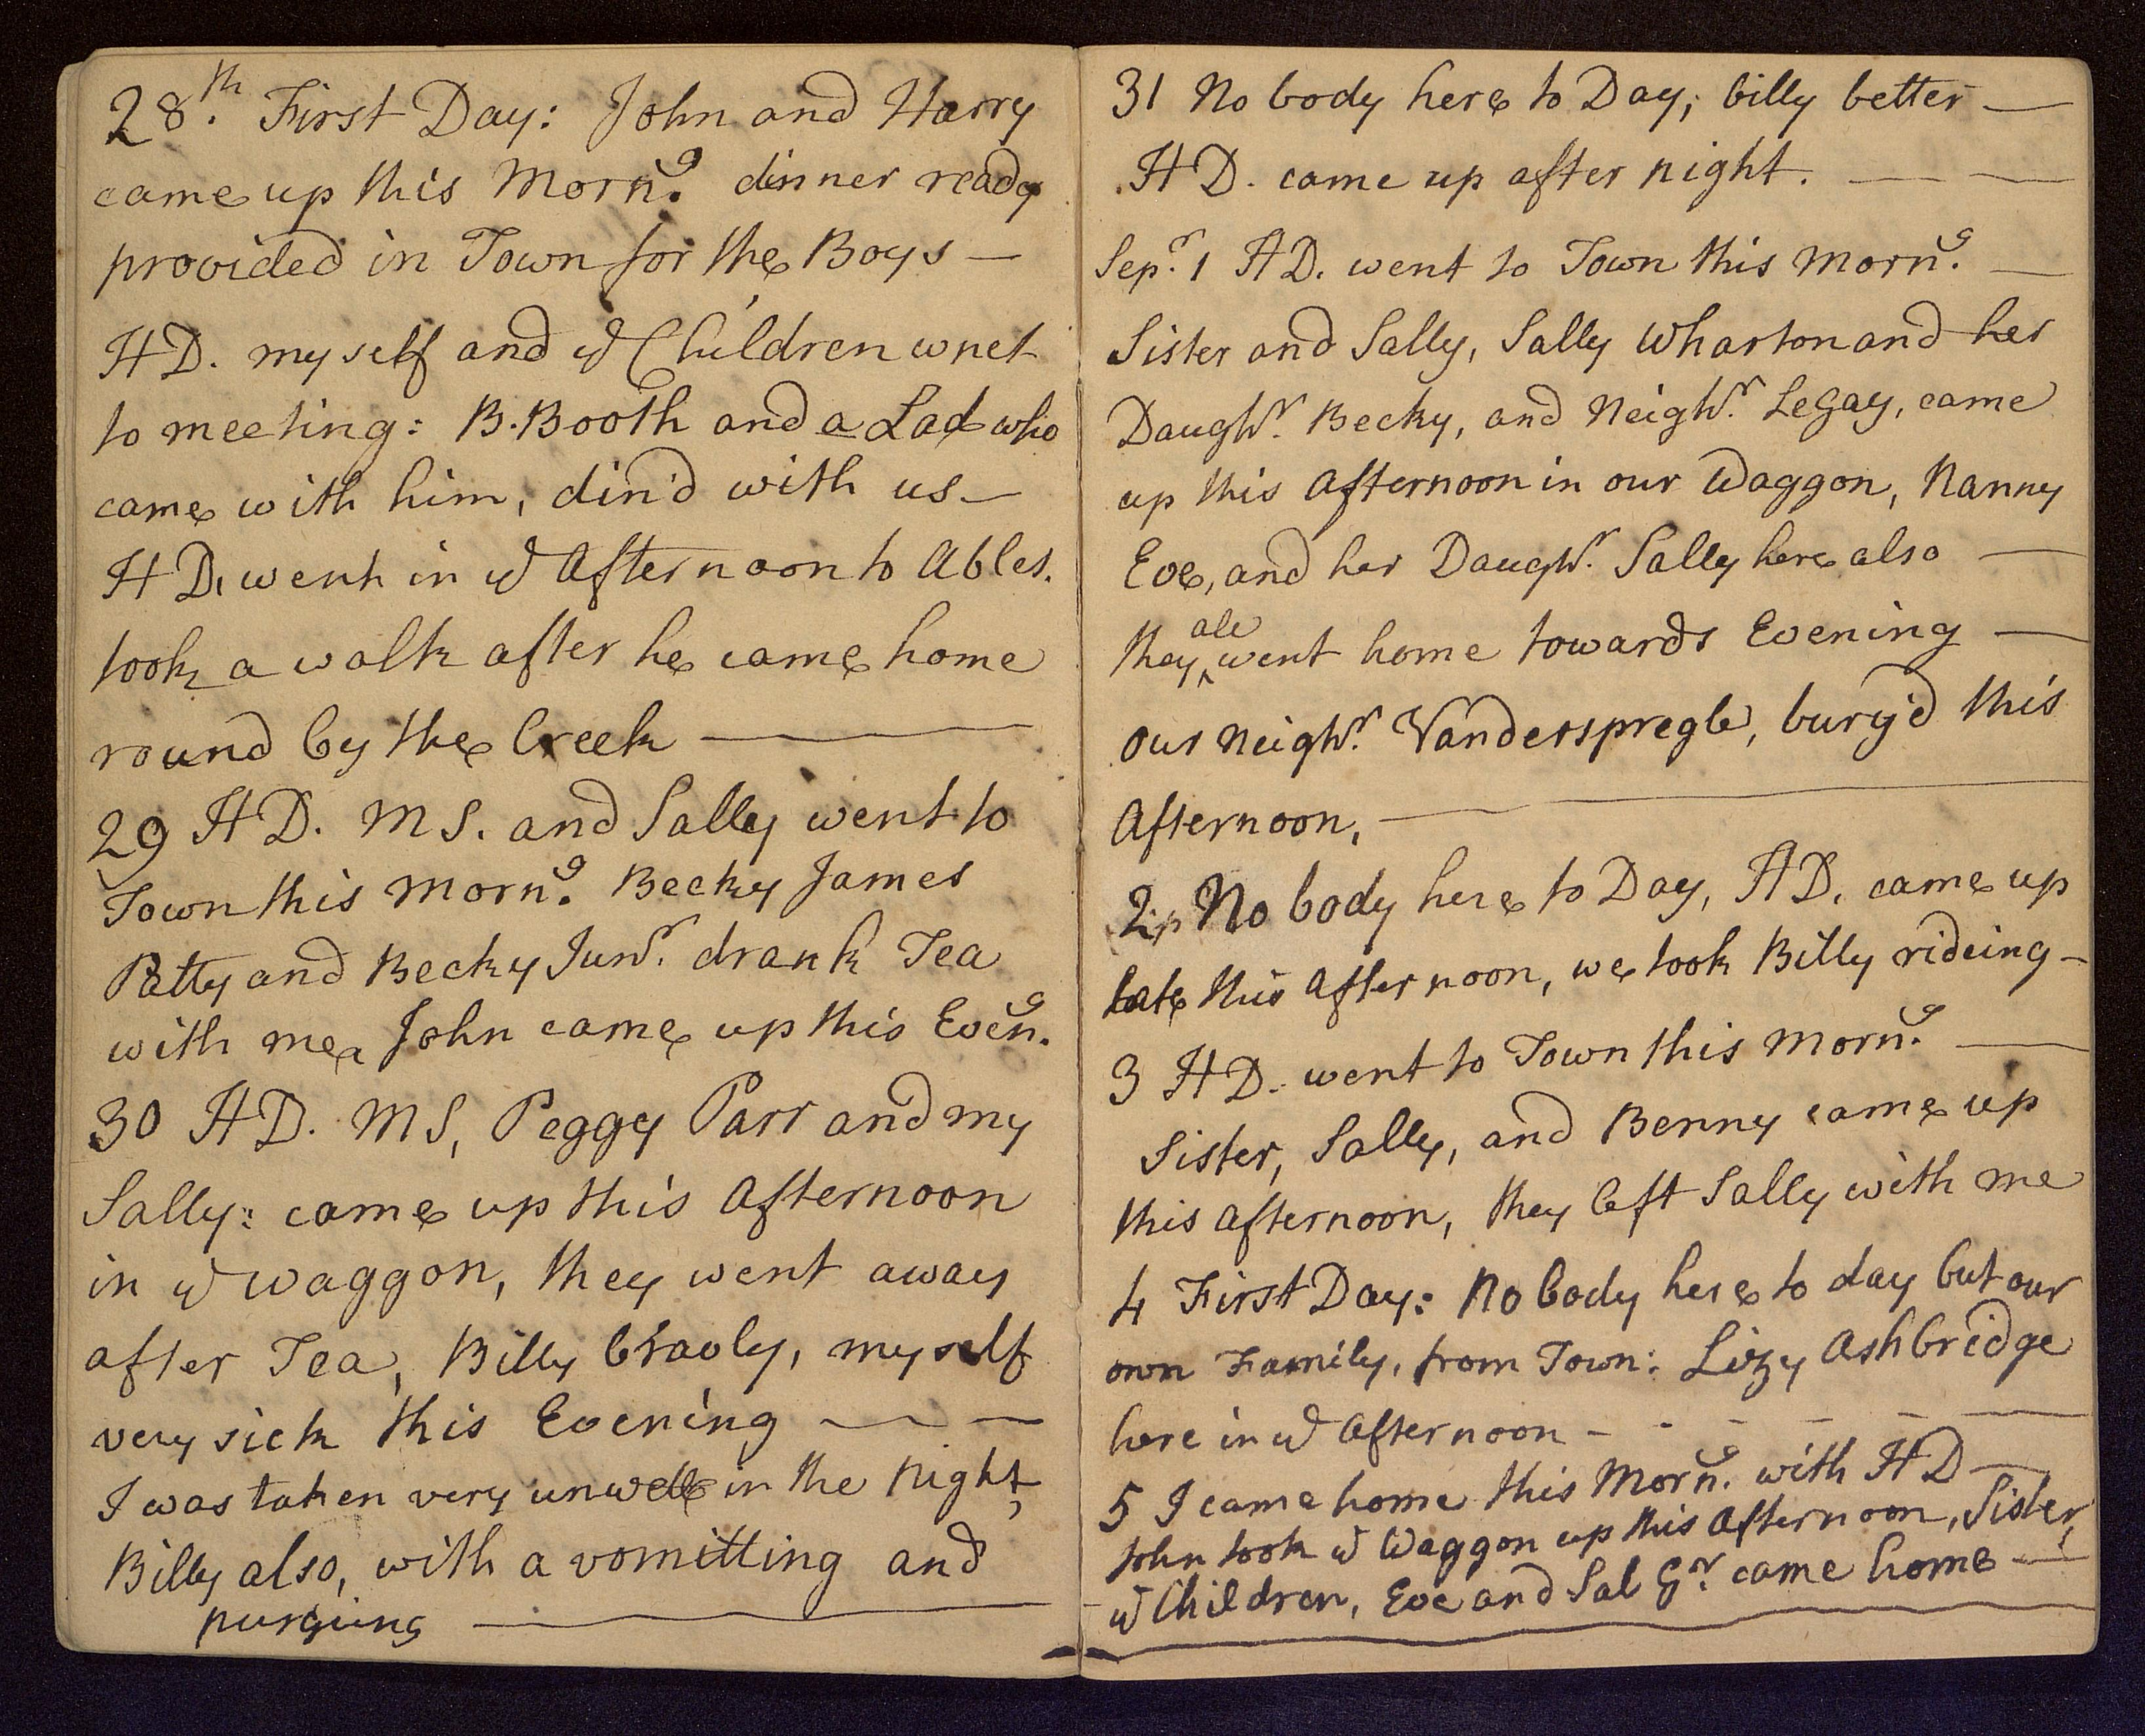28^th First Day: John and Harry
came up this Morn^g. dinner ready
provided in Town for the Boys-
H D. myself and y^e Children wnet
to meeting: B. Booth and a Lad who
came with him, din'd with us-
HD. went in y^e Afternoon to Ables.
took a walk after he came home
round by the Creek-
29 H D. MS. and Sally went to
Town this Morn^g Becky James
Patty and Becky Jun^r. drank Tea
with me John came up this Even^g.
30 H D. MS, Peggy Parr and my
Sally: came up this Afternoon
in y^e waggon, they went away
after Tea, Billy bravly, myself
very sick this Evening-
I was taken very unwell in the night
Billy also, with a vomitting and
purging
31 No body here to Day; billy better-
HD. came up after night.-
Sep^r 1 HD. went to Town this Morn^g.-
Sister and Sally, Sally Wharton and her
Daugh^r. Becky, and Neigh^r. Legay, came
up this Afternoon in our Waggon, Nanny
Eve, and her Daugh^r. Sally here also-
all
they ^ went home towards Evening-
our neigh^r. Vanderspregle, bury'd this
Afternoon,-
2 No body here to Day, H D. came up
late this afternoon, we took Billy rideing-
3 HD. went to Town this morn^g.-
Sister, Sally, and Benny came up
this afternoon, they left Sally with me
4 First Day: No body here to day but our
own Family, from Town. Lizy Ashbridge
here in y^e Afternoon-
5 I came home this morn^g with H D-
John took y^e Waggon up this Afternoon, Sister
y^e Children, Eve and Sal G^r. came home-